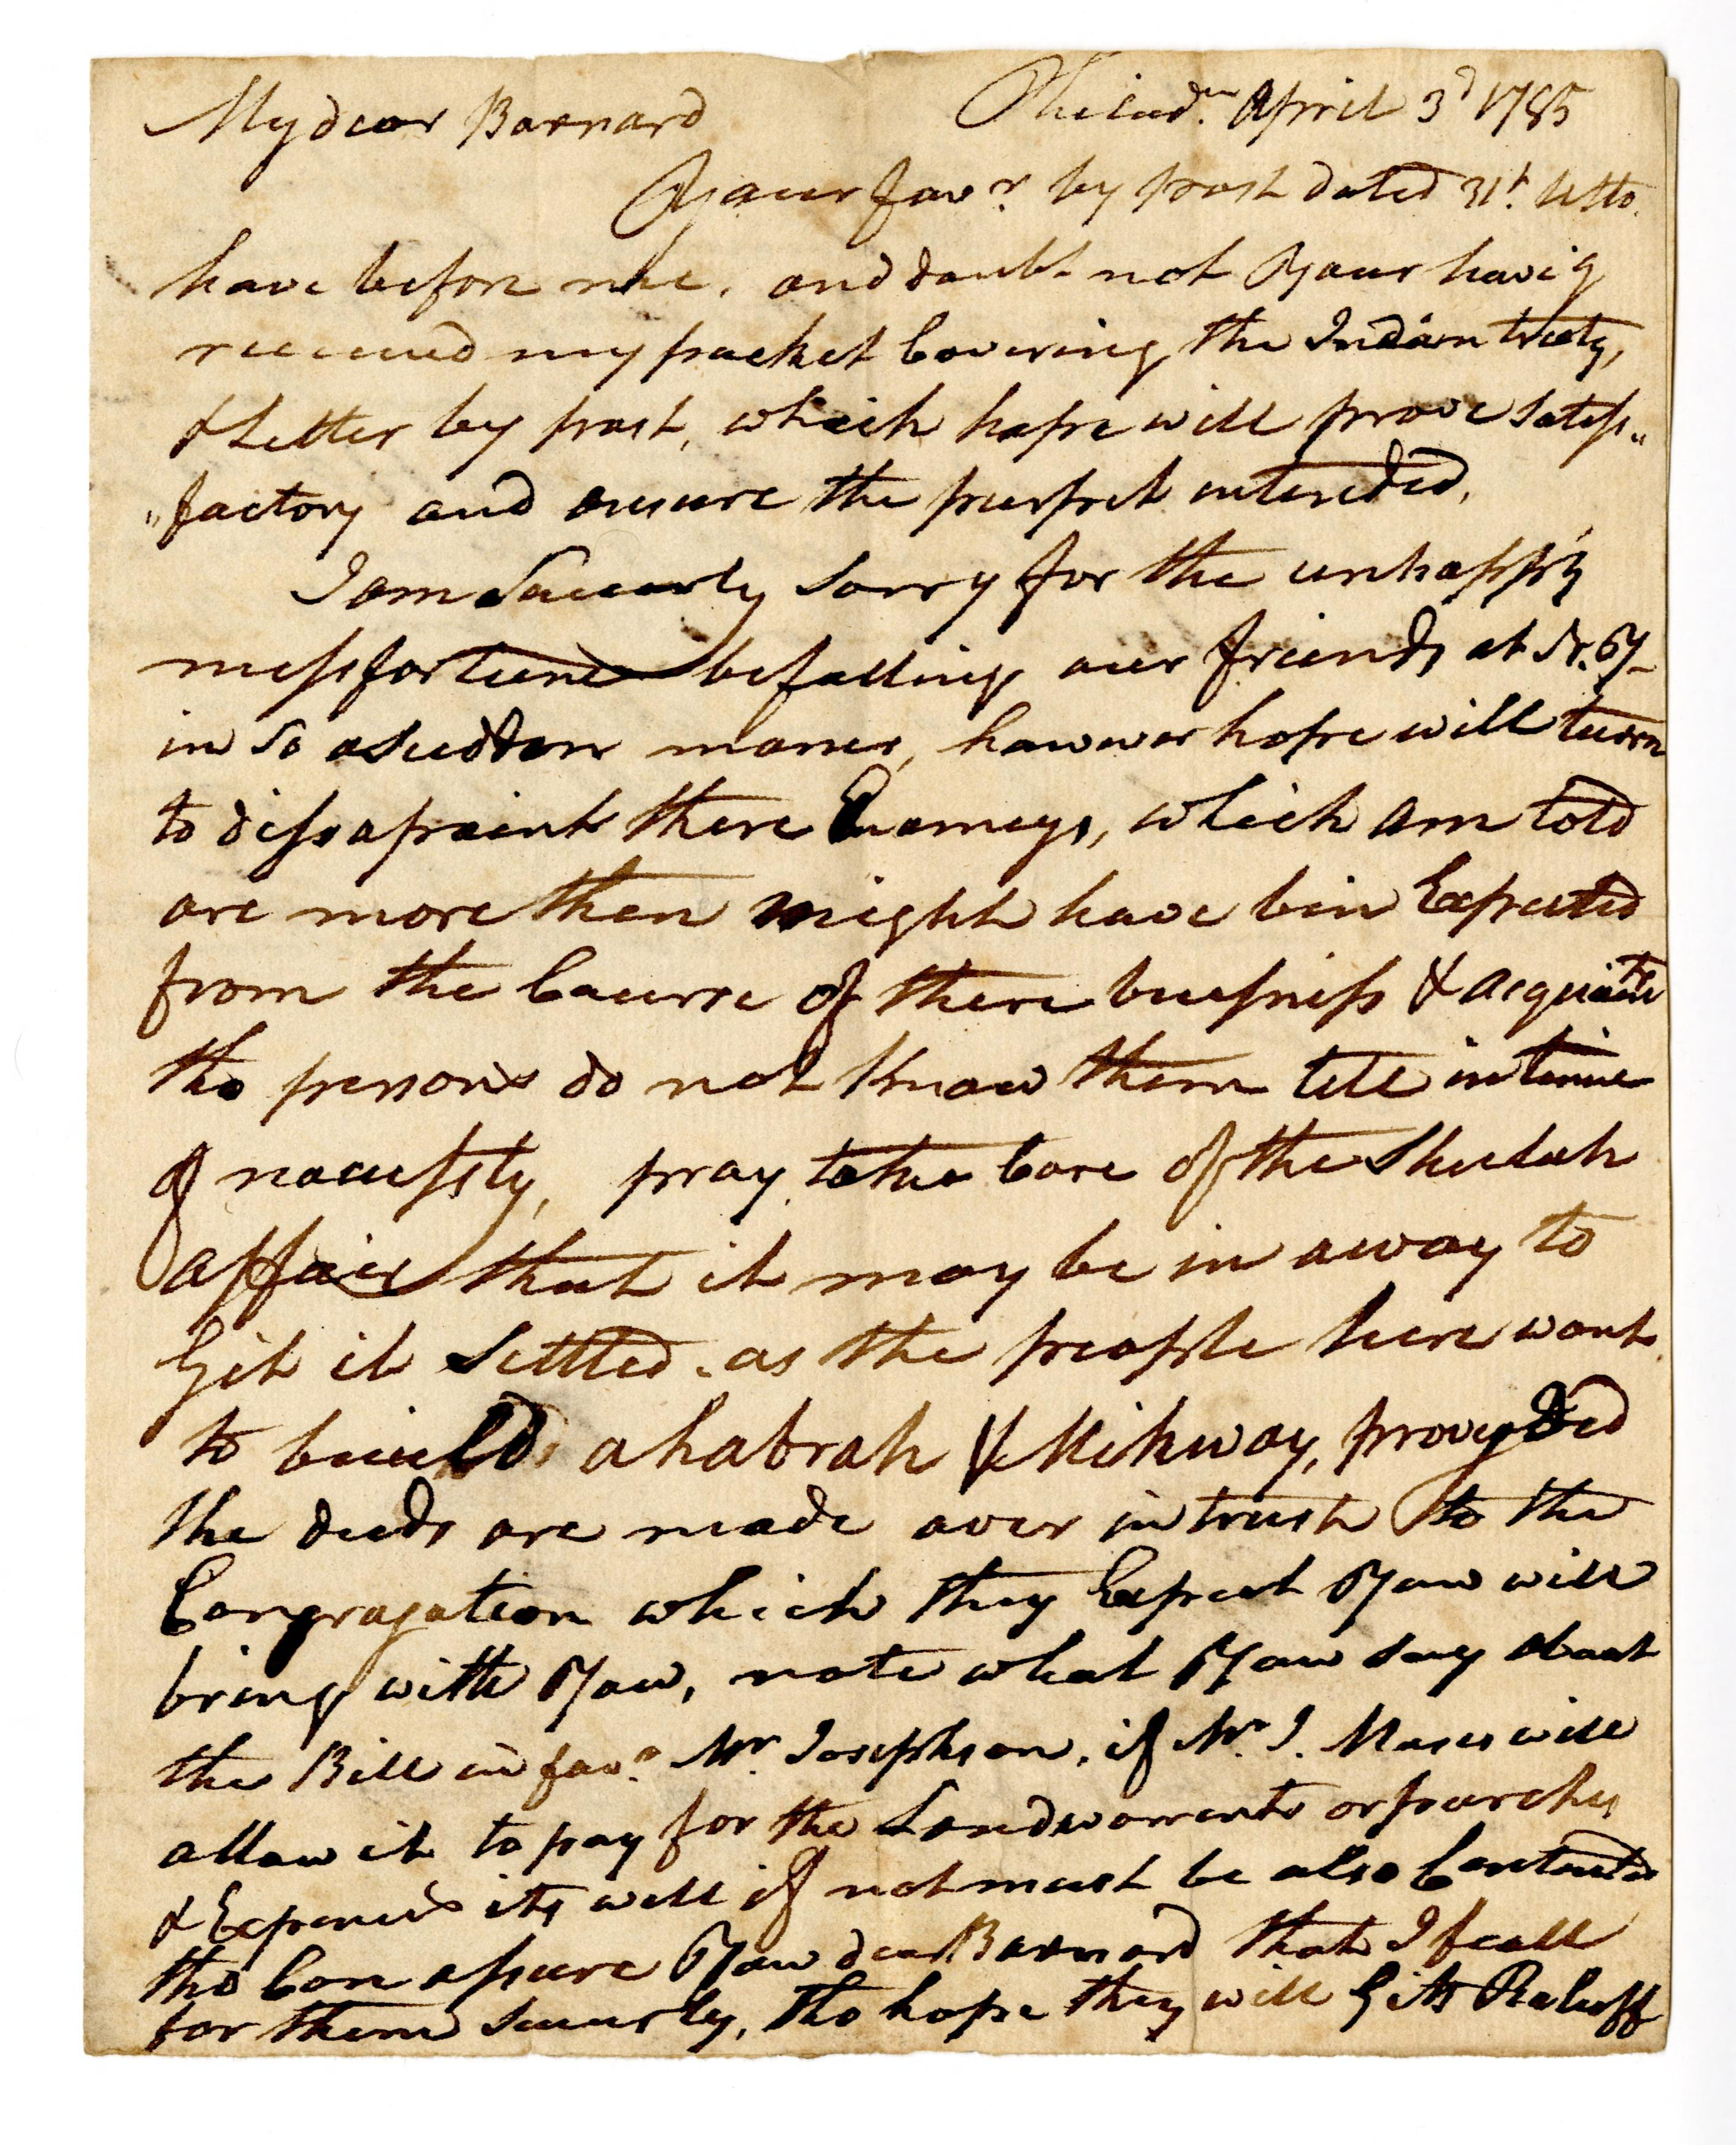Philad^a. April 3^d 1785
My dear Barnard
Your fav^r by post dated 31^t. Ulto
have before me, and doubt not your having
received my packet covering the Indian treaty,
& Letter by post, which hope will prove Satiss-
-factory and insure the purpos intended
I am Sincerly Sorry for the unhappy
misfortune befalling our friends at N.Y-
in so a sudden maner, however hope will turn
to dissapoint there Attorneys, which am told
are more then might have bin Expected
from the Course of there business & acquain^t
the persons do not know them tell in time
of necessity pray take care of the shudah
affair that it may be in away to
Git it settled as the people here want
to build a habrah & Mikway, provyded
the deeds are made over in trust to the
Congregation which they Expect you will
bring with you, note what you say about
the Bill in fav^r M^r. Josephson, if M^r. S. Moses will
allow it to pay for the Land warrants or purches
& Expand it, will if not must be also Contested
tho' Can assure you dear Barnard that I shall
for them sincerely tho hope they will Gitt Relieff